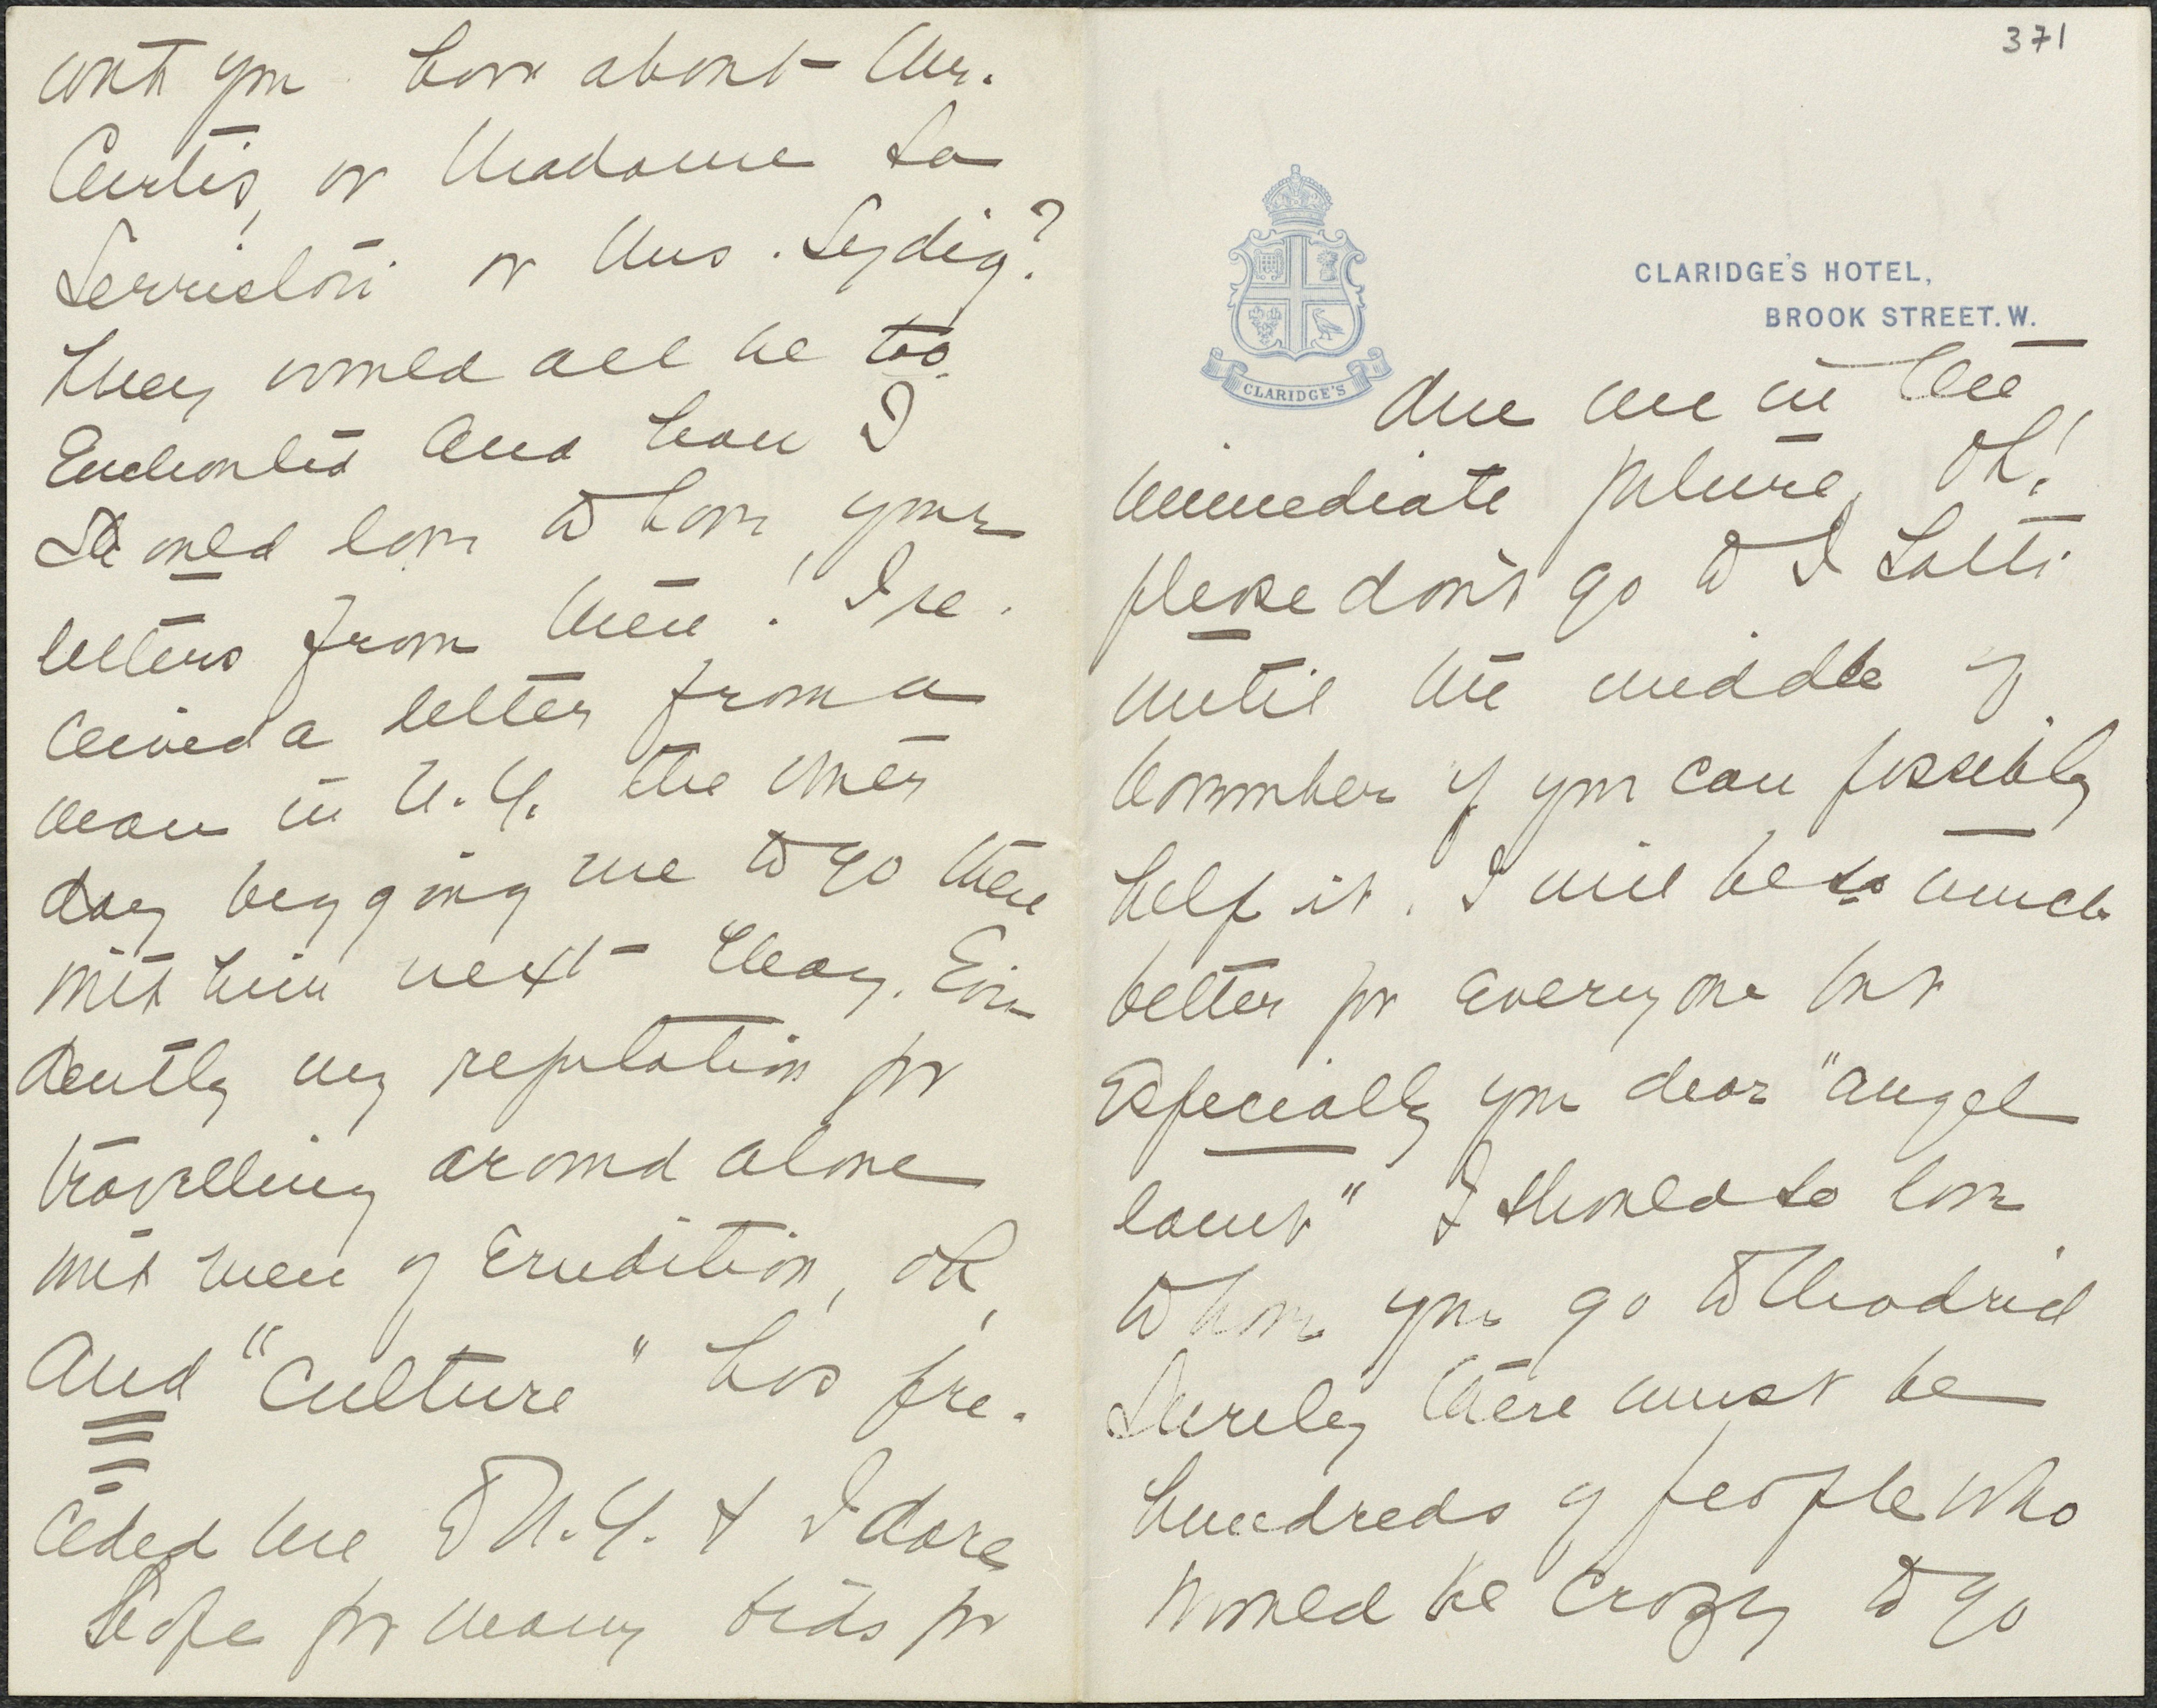due me in the immediate future, oh! please don’t go to I Tatti until the middle of November if you can possibly help it. I will be so much better for every one but especially you dear “angel lamb” I should so love to have you go to Madrid surely there must be hundreds of people who would be crazy to go
with you – how about Mr. Curtis, or Madame La Serristori or Mrs. Lydig? They would all be too enchanted and how I should love to have your letters from there. I received a letter from a man in N.Y. the other day begging me to go there with him next May. Evidently my reputation for travelling around alone with men of erudition, oh, [quadruple underlined: and] “culture” has preceded me to N.Y. & I dare hope for many bids for